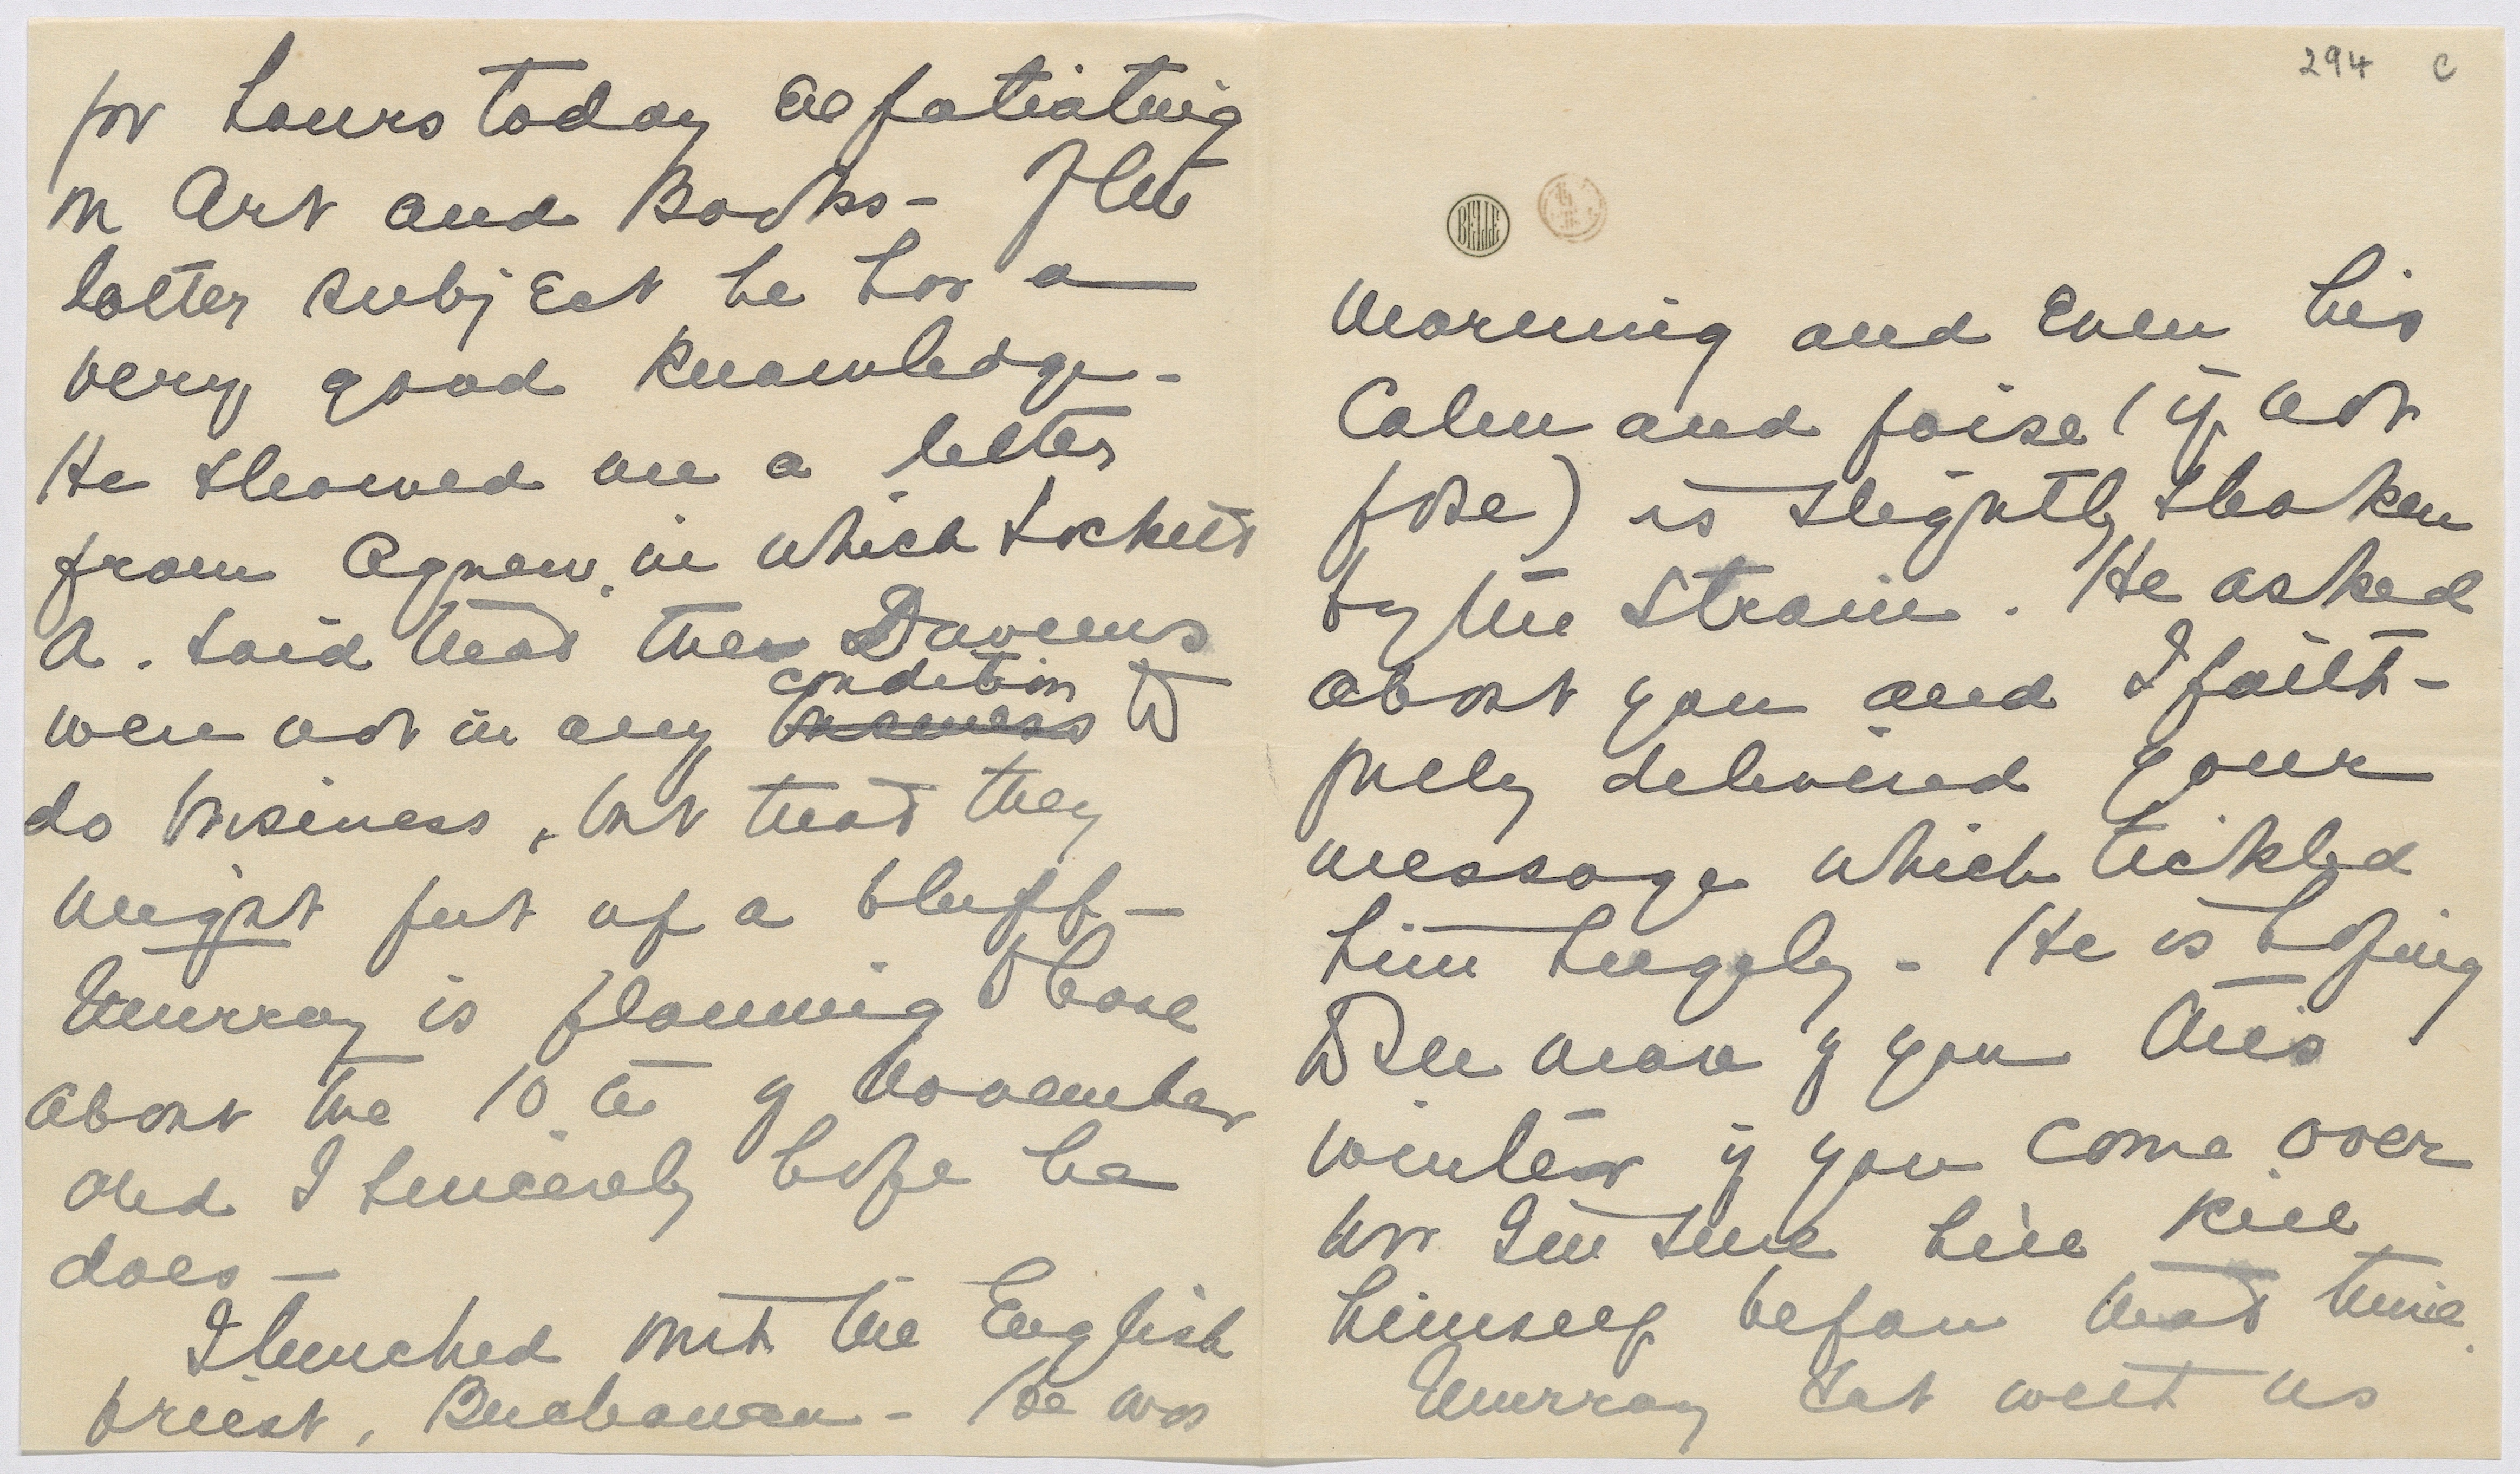morning and even his calm and poise (if not pose) is slightly shaken by the strain. He asked about you and I faithfully delivered your message which tickled him hugely – He is hoping to see more of you this winter if you come over but I’m sure he’ll kill himself before that time. Murray sat with us
for hours today expatiating on Art and Books – Of the latter subject he has a very good knowledge – He showed me a letter from Agnew in which Lockett A. said that the Duveens were not in any business [^condition^] to do business, but that they might just put up a bluff –
Murray is planning to leave about the 10th of November and I sincerely hope he does –
I lunched with the English priest, Buchanan – He was